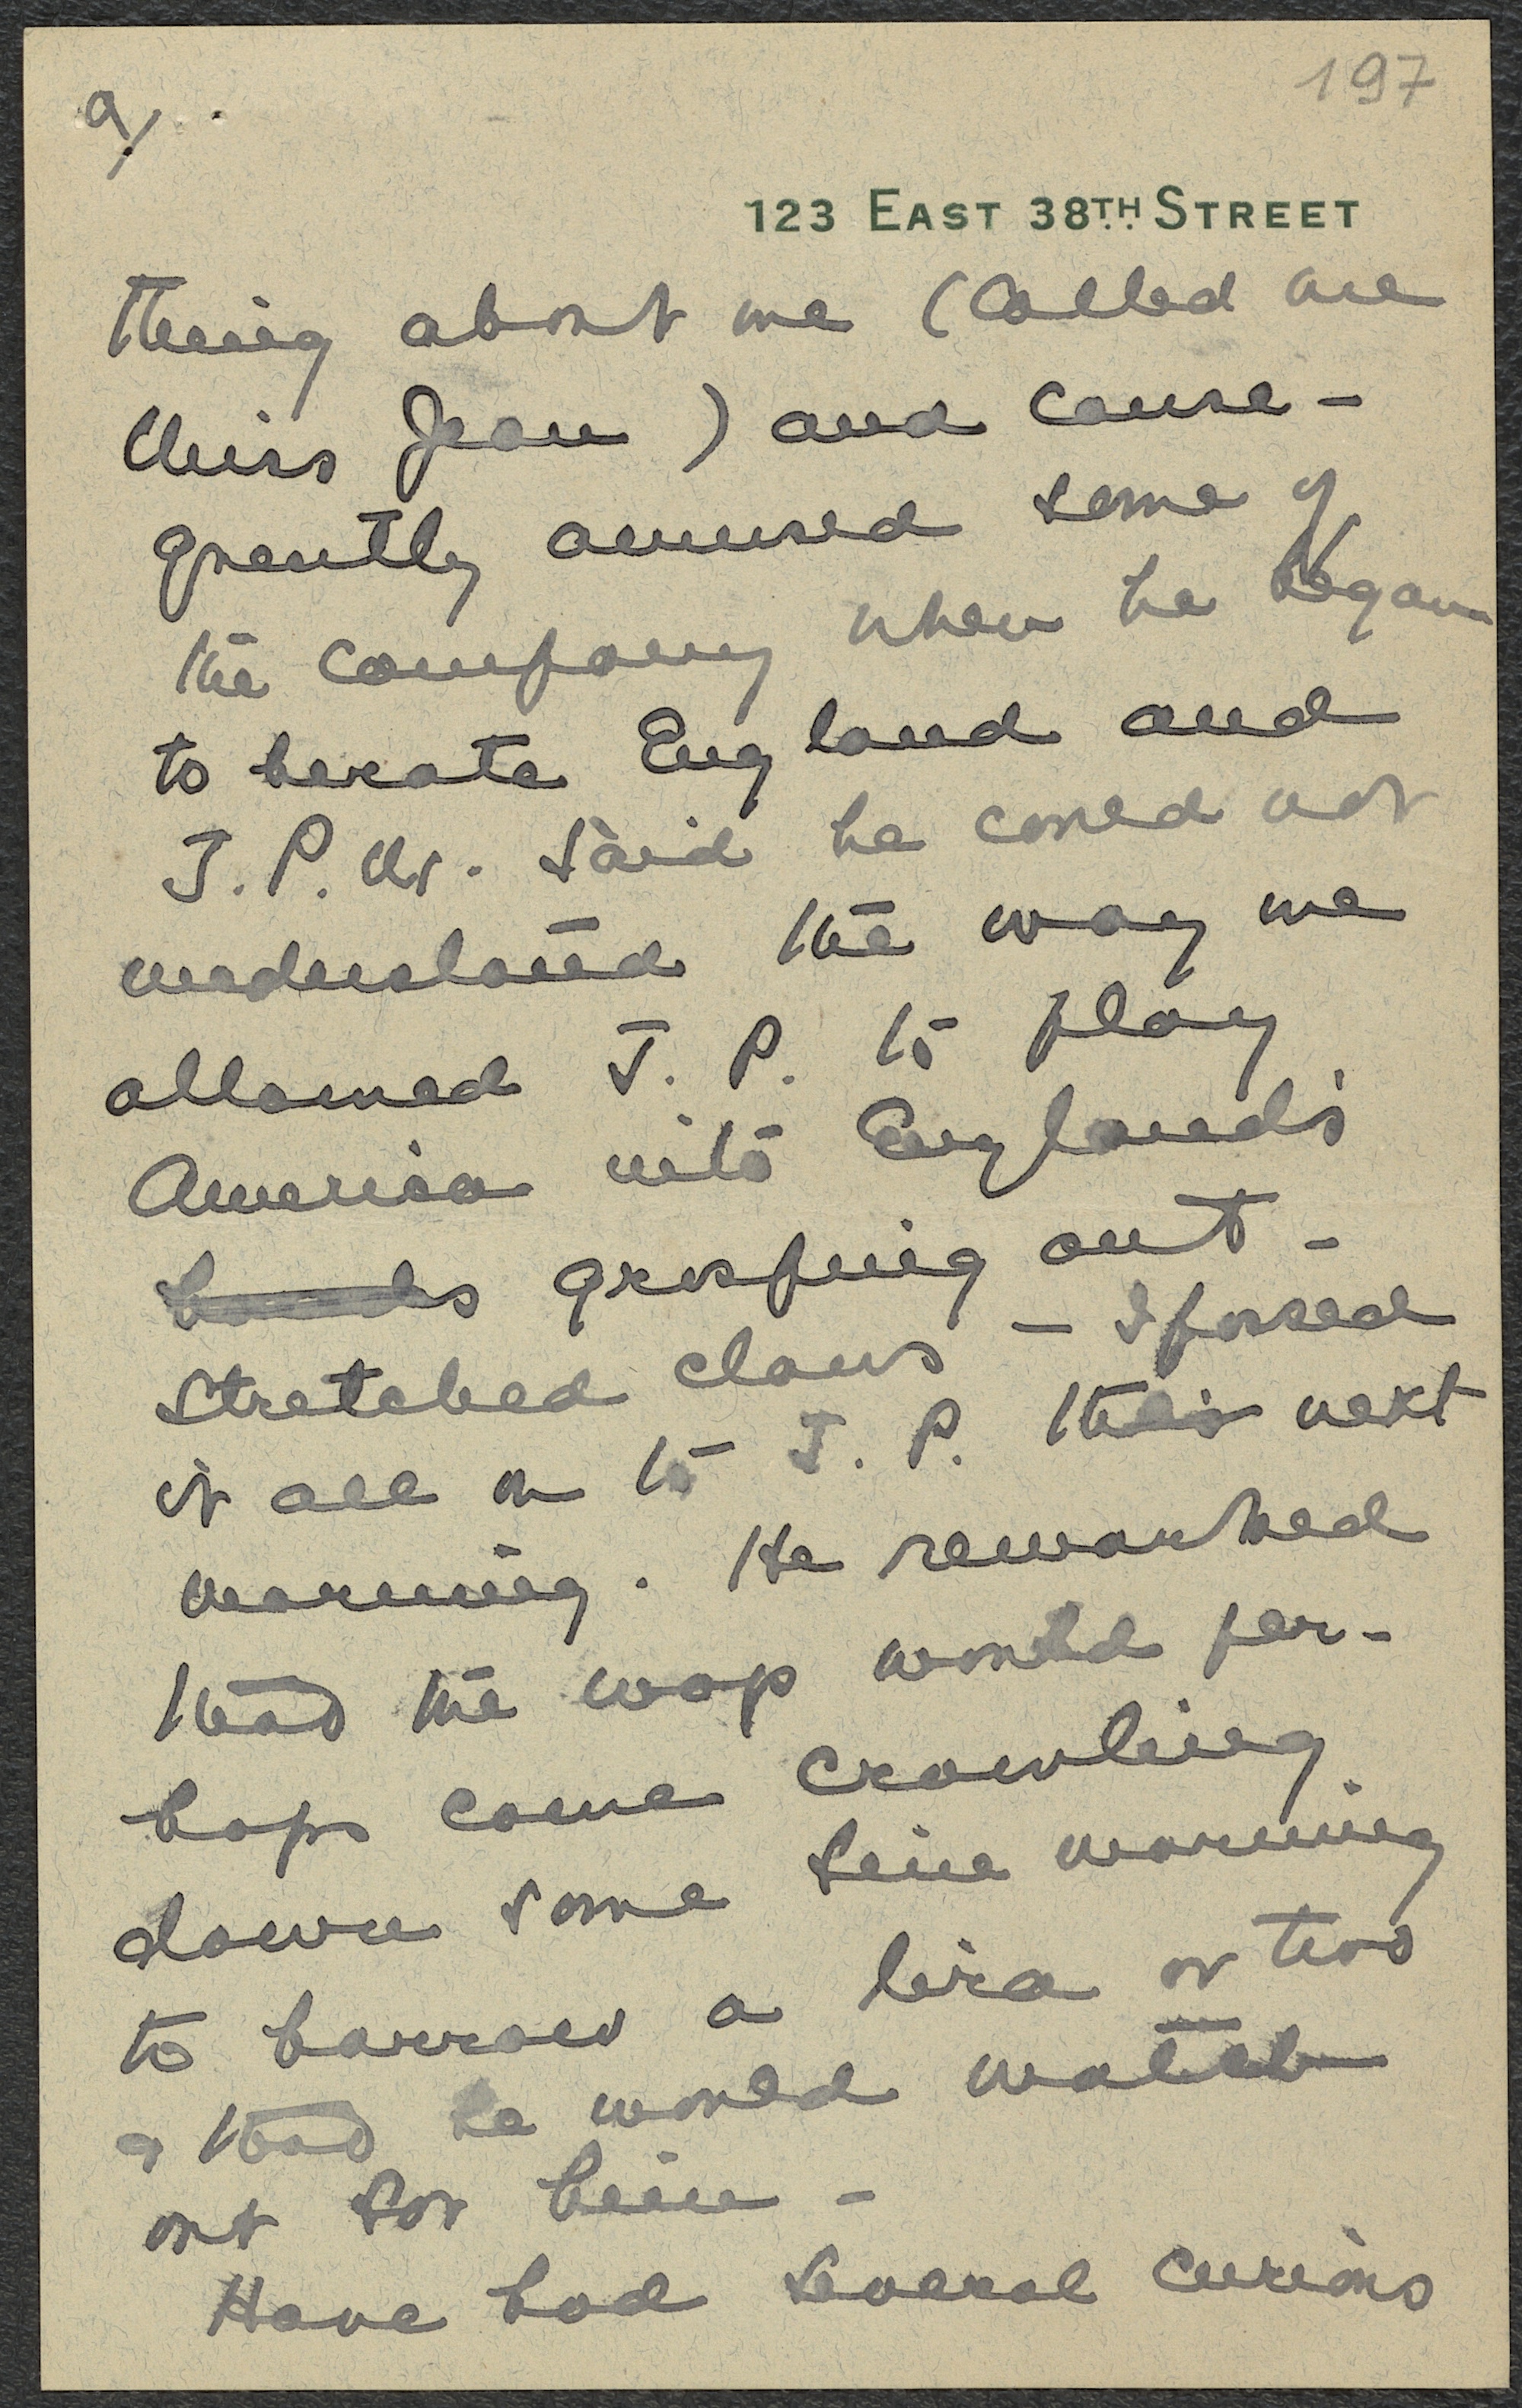anything about me (called me Miss Jean) and consequently amused some of the company when he began to berate England and J.P.M. Said he could not understand the way we allowed J.P. to play America into England's hands grasping outstretched claws – I passed it all on to J.P. the next morning. He remarked that the wop would perhaps come crawling down some fine morning to borrow a lira or two & that he would watch out for him –
Have had several curious